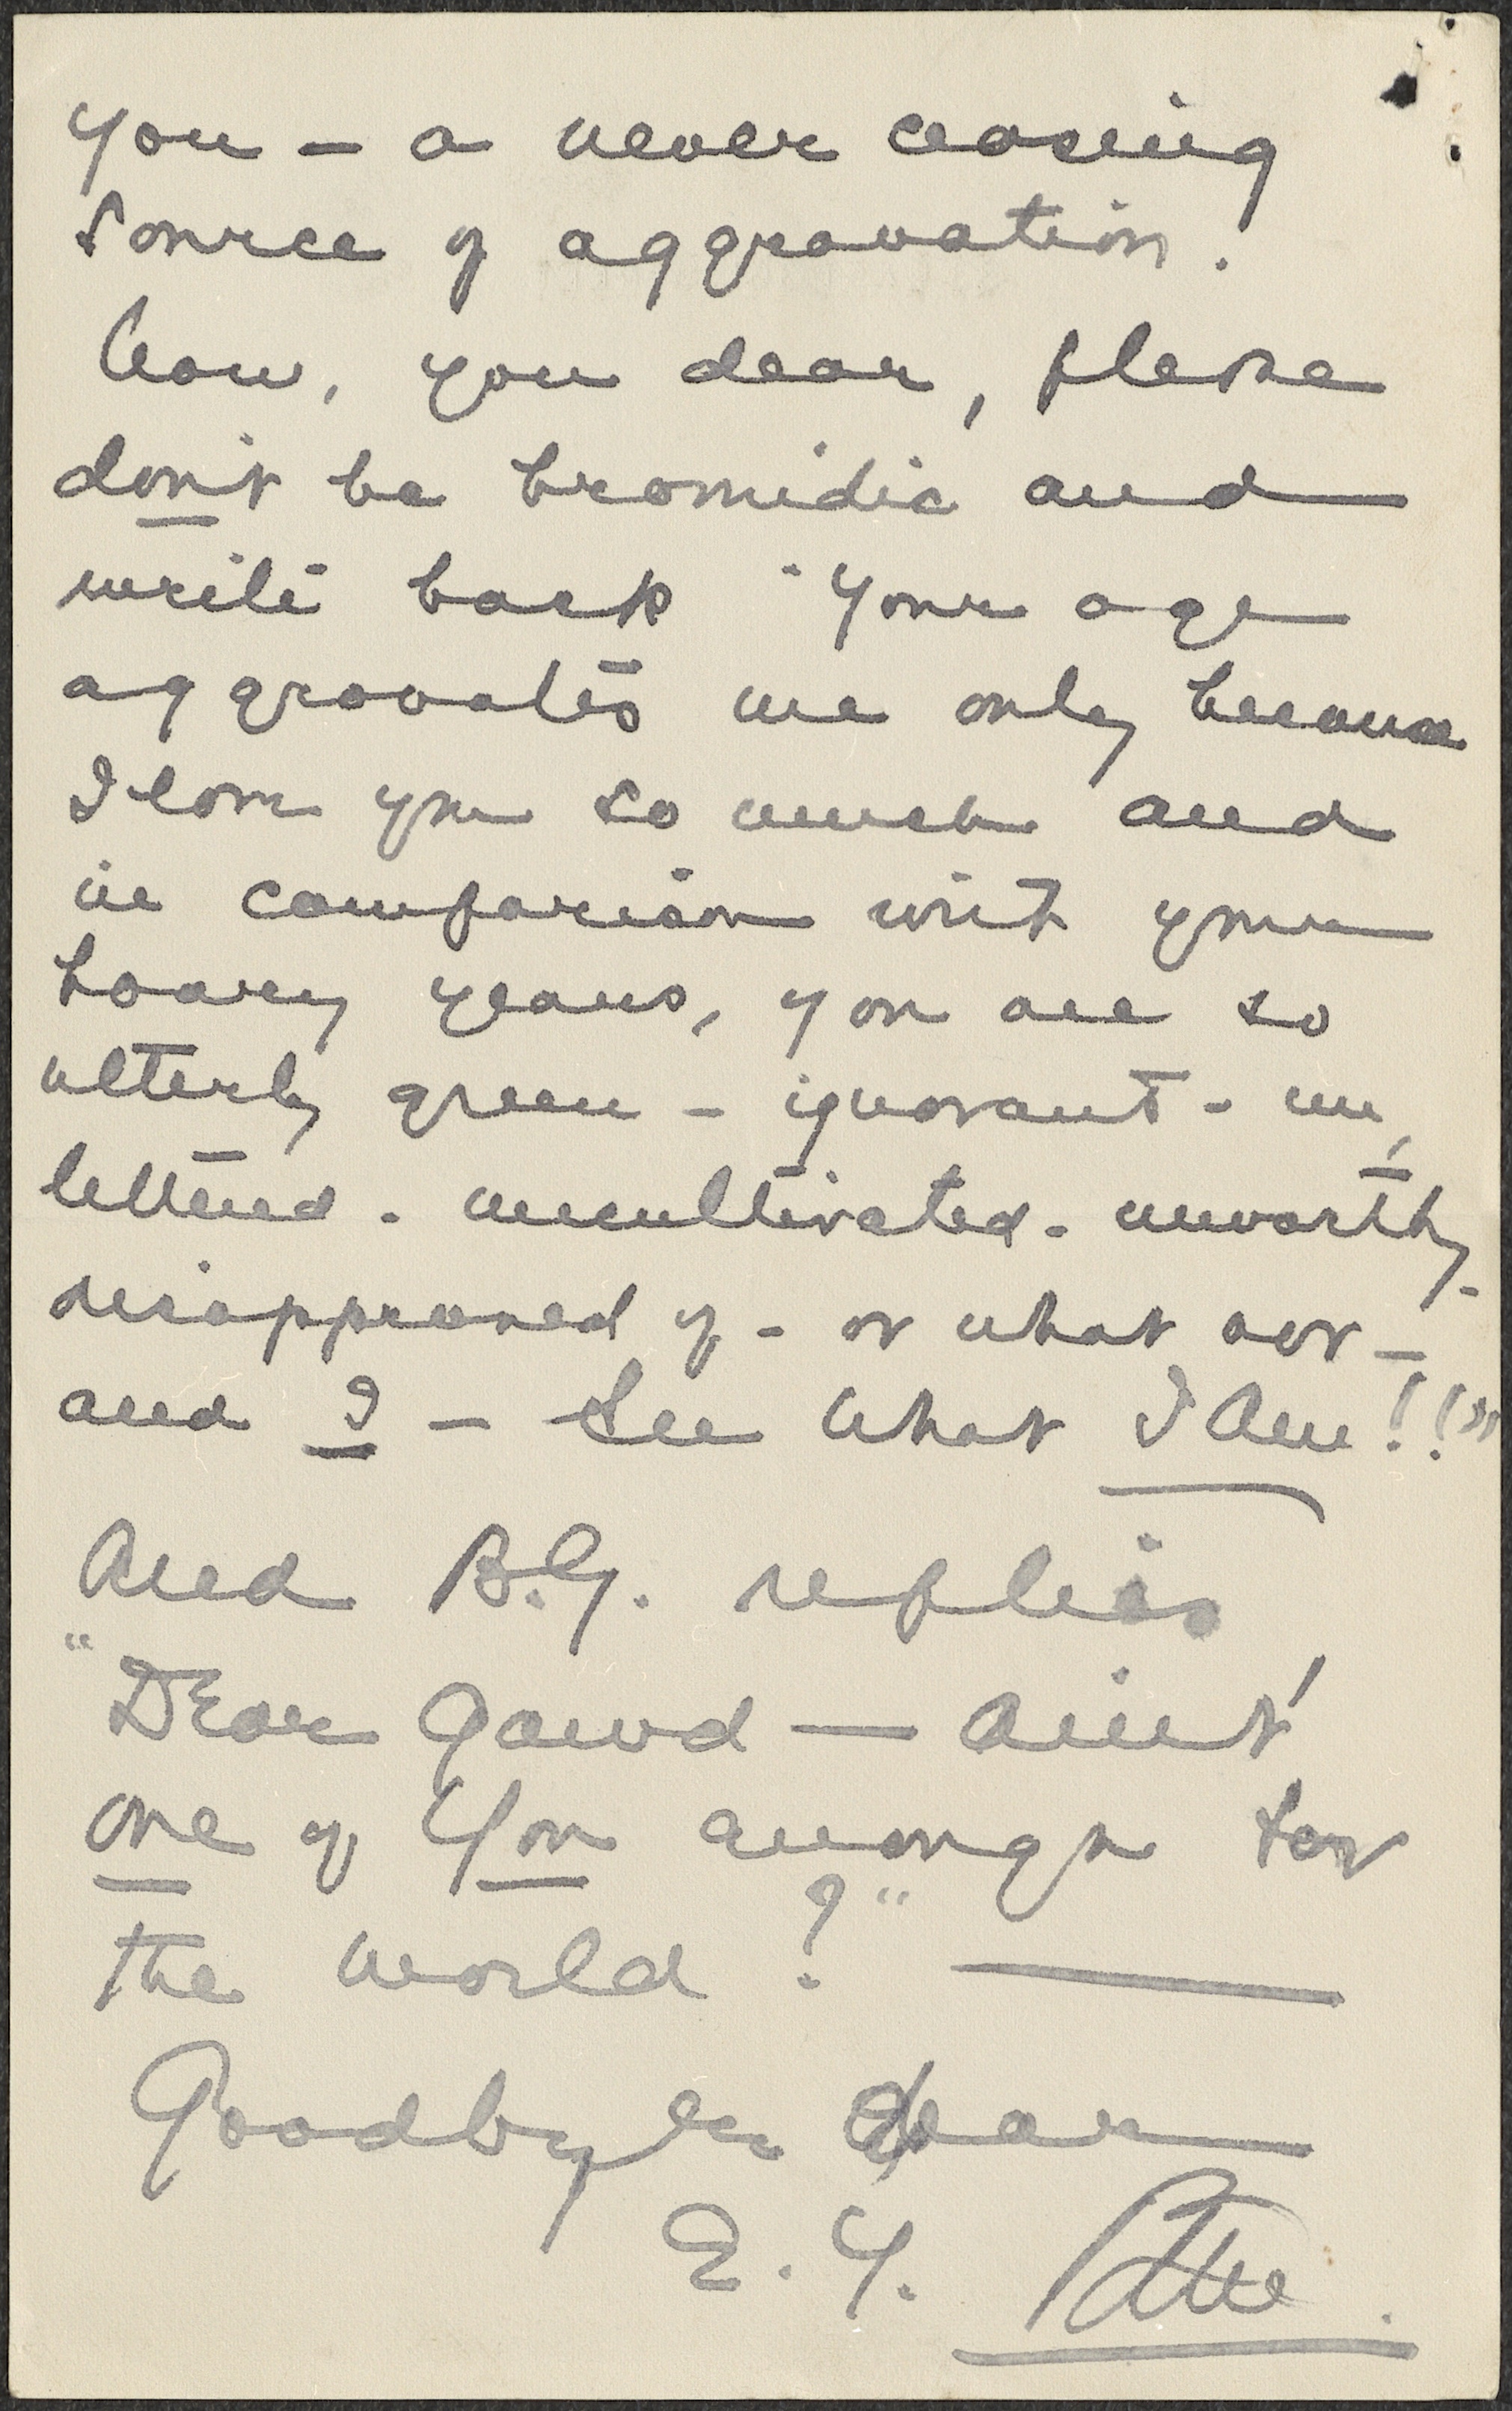you – a never ceasing source of aggravation.
Now, you dear, please don’t be bromidic and write back “Your age aggravates me only because I love you so much and in comparison with your hoary years, you are so utterly green – ignorant – unlettered – uncultivated – unworthy – disapproved of – or what not – and I – See what I am!!”
And B.G. replies “Dear Gawd – ain’t one of you enough for the world?” –
Goodbye dear
E. Y. Belle.